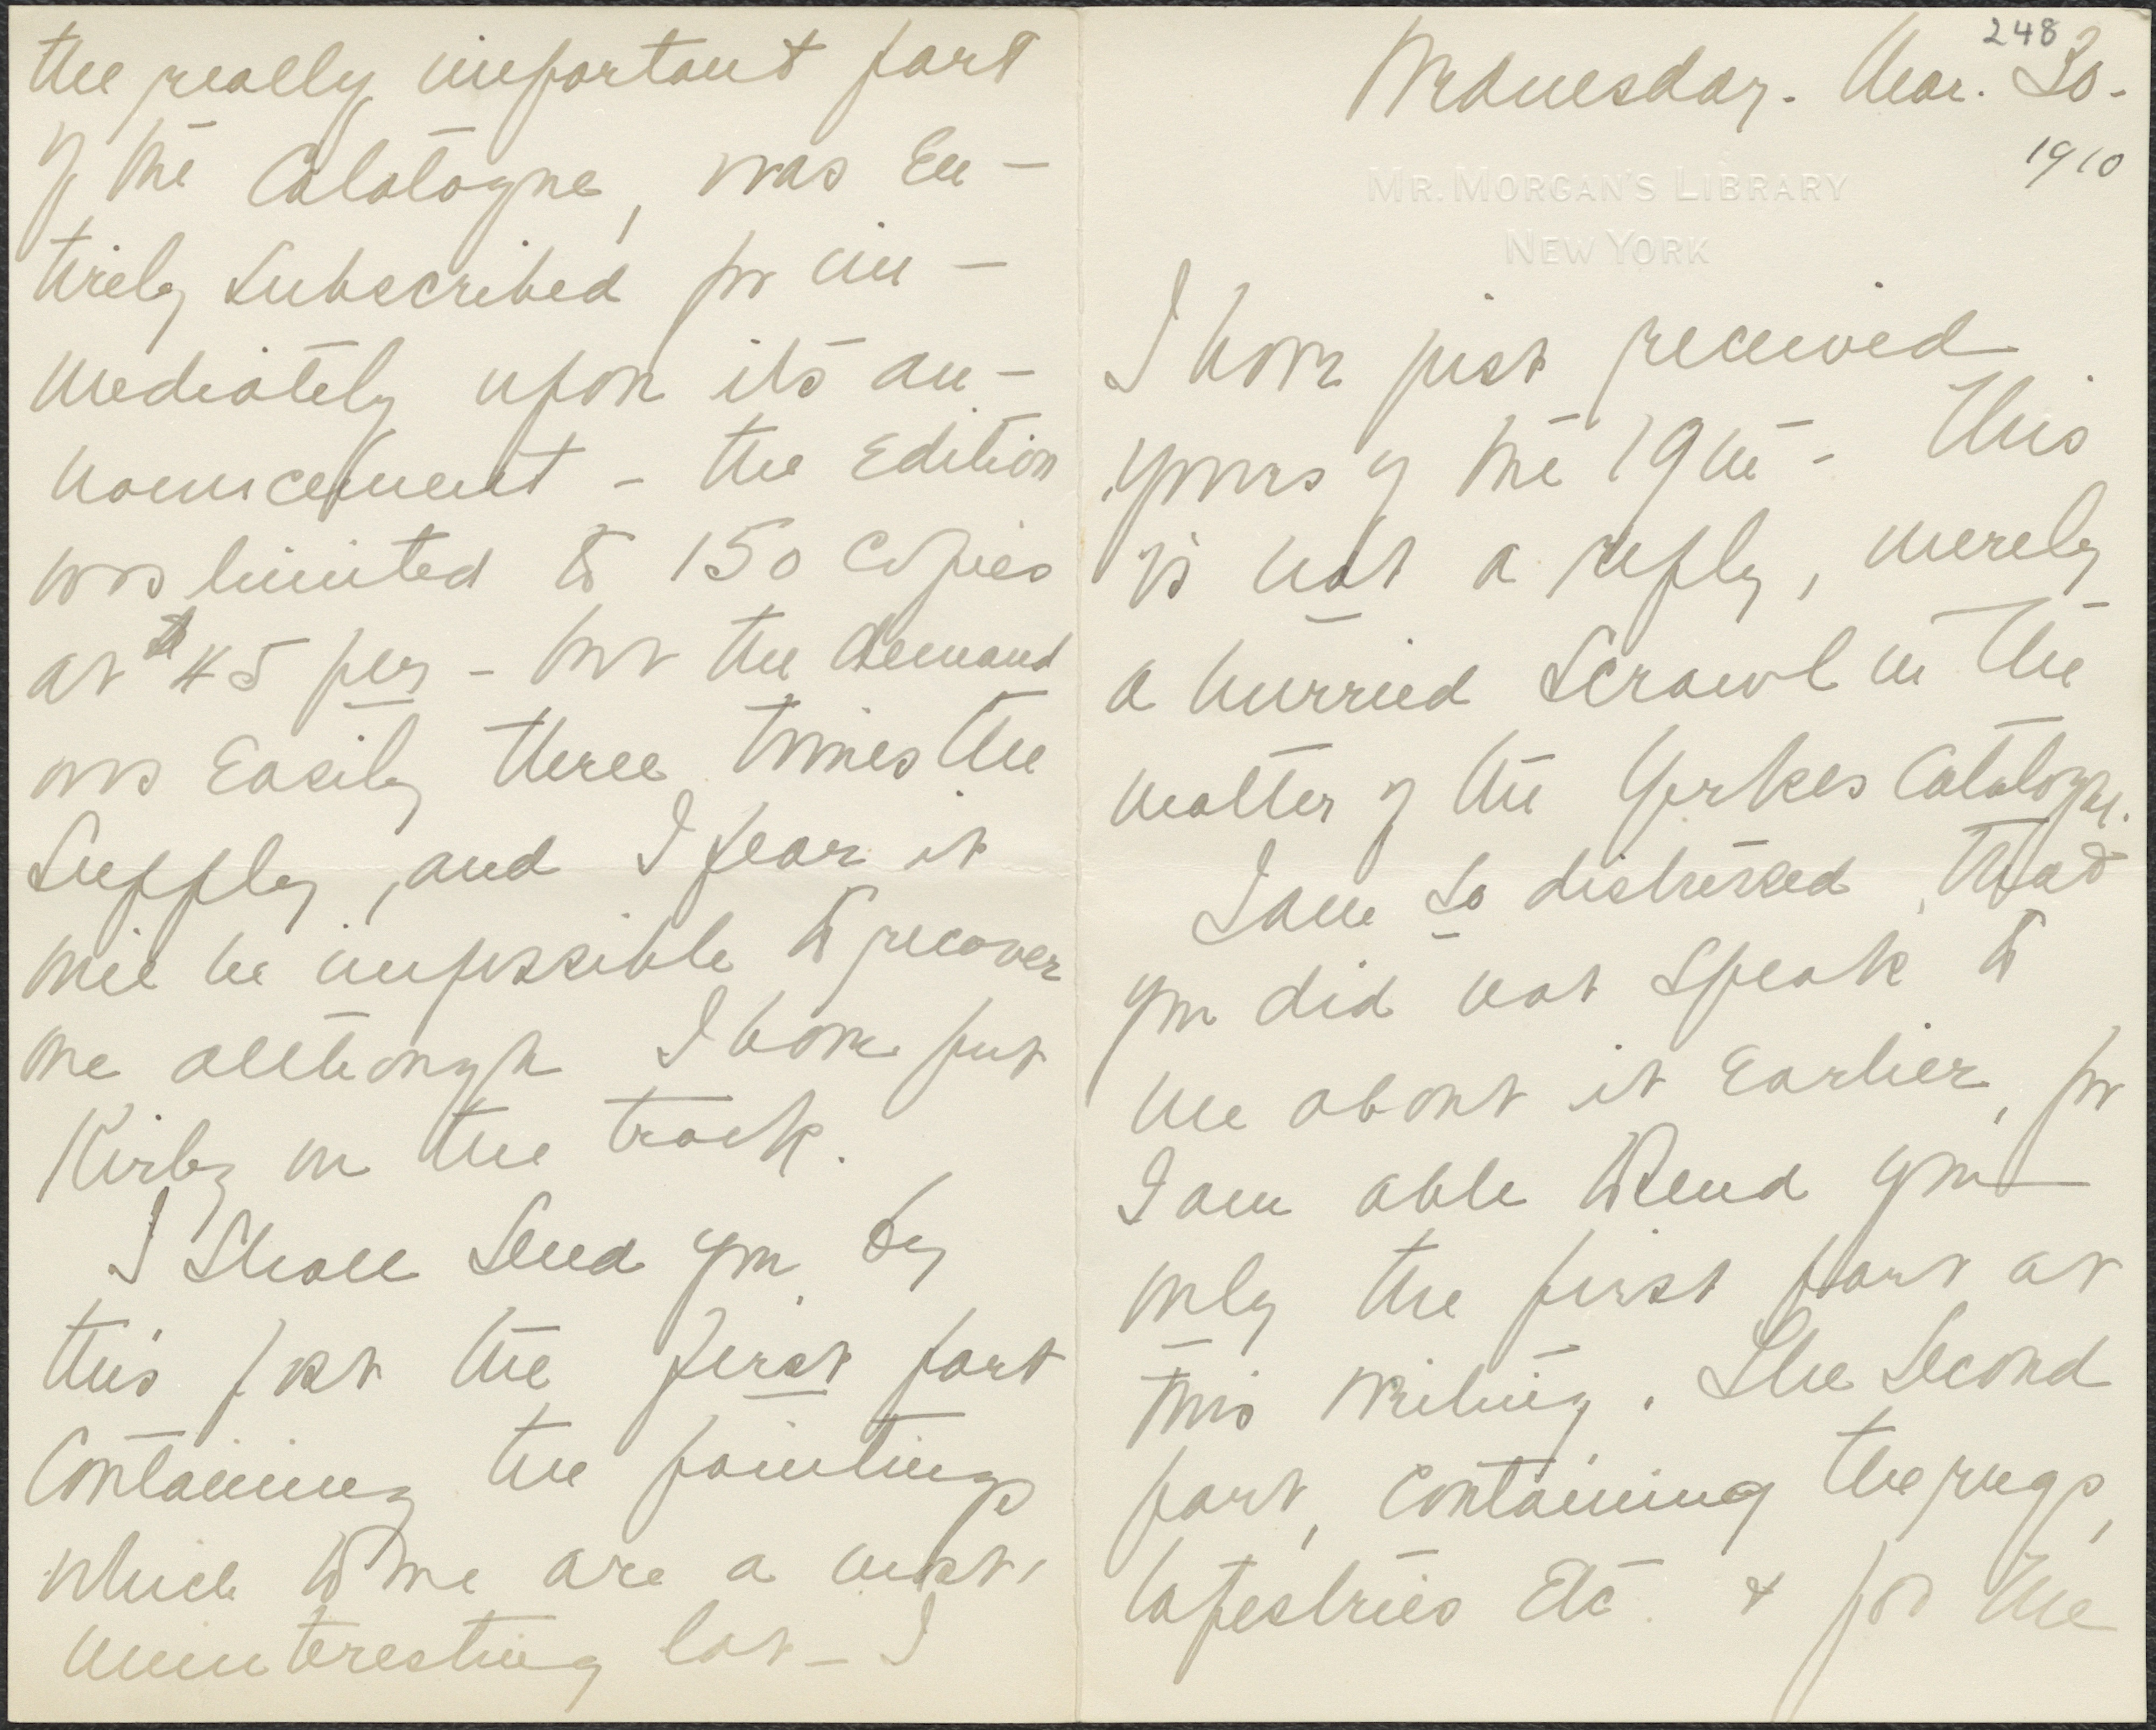Wednesday. Mar. 30 –
I have just received yours of the 19th – This is not a reply, merely a hurried scrawl on the matter of the Yerkes catalogue.
I am so distressed that you did not speak to me about it earlier, for I am able to send you only the first part at this writing. The second part, containing the rugs, tapestries etc. & for the
the [sic] really important part of the catalogue, was entirely subscribed for immediately upon its announcement – the edition was limited to 150 copies at $45 per – but the demand was easily three times the supply, and I fear it will be impossible to recover one although I have put Kirby on the track.
I shall send you by this just the first part containing the paintings which to me are a most interesting lot – I